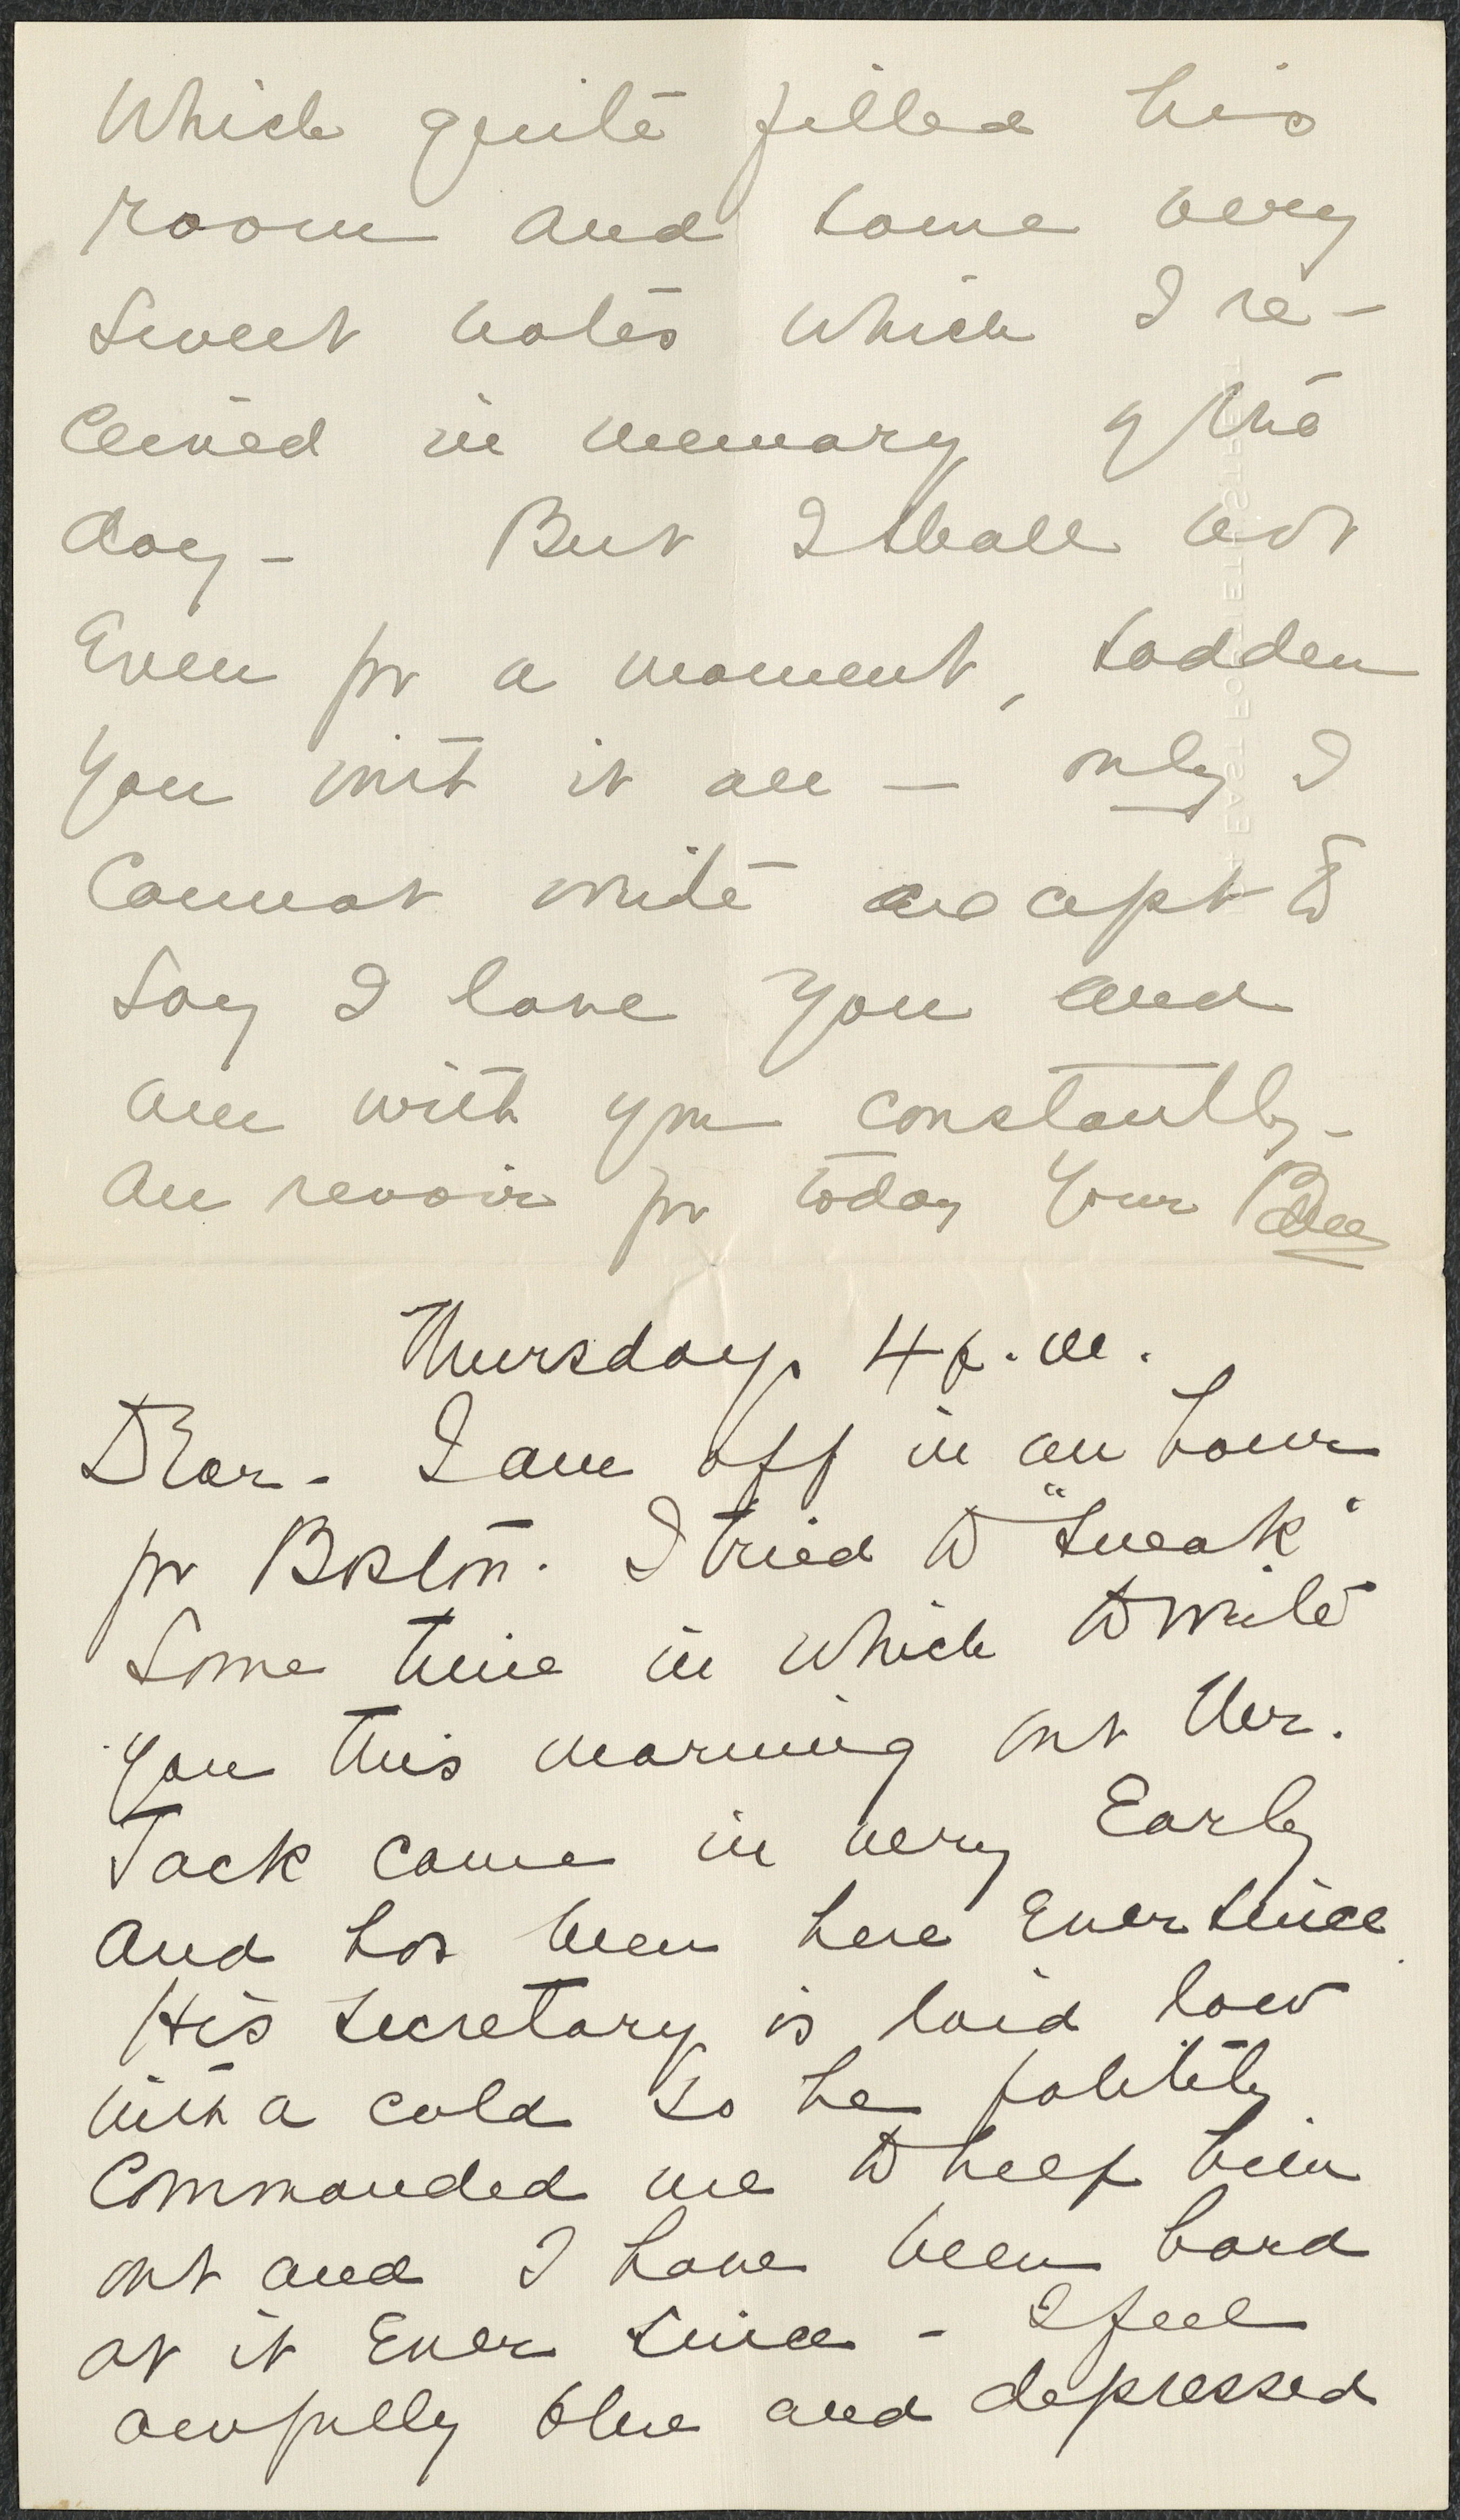which quite filled his room and some very sweet notes which I received in memory of the day – But I shall not even for a moment, sadden you with it all – only I cannot write except to say I love you and am with you constantly au revoir for today Your Belle
Thursday, 4 p.m.
Dear – I am off in an hour for Boston. I tried to “sneak” some time in which to write you this morning but Mr. Jack came in very early and has been here ever since
His secretary is laid low with a cold so he politely commanded me to help him out and I have been hard at it ever since – I feel awfully blue and depressed